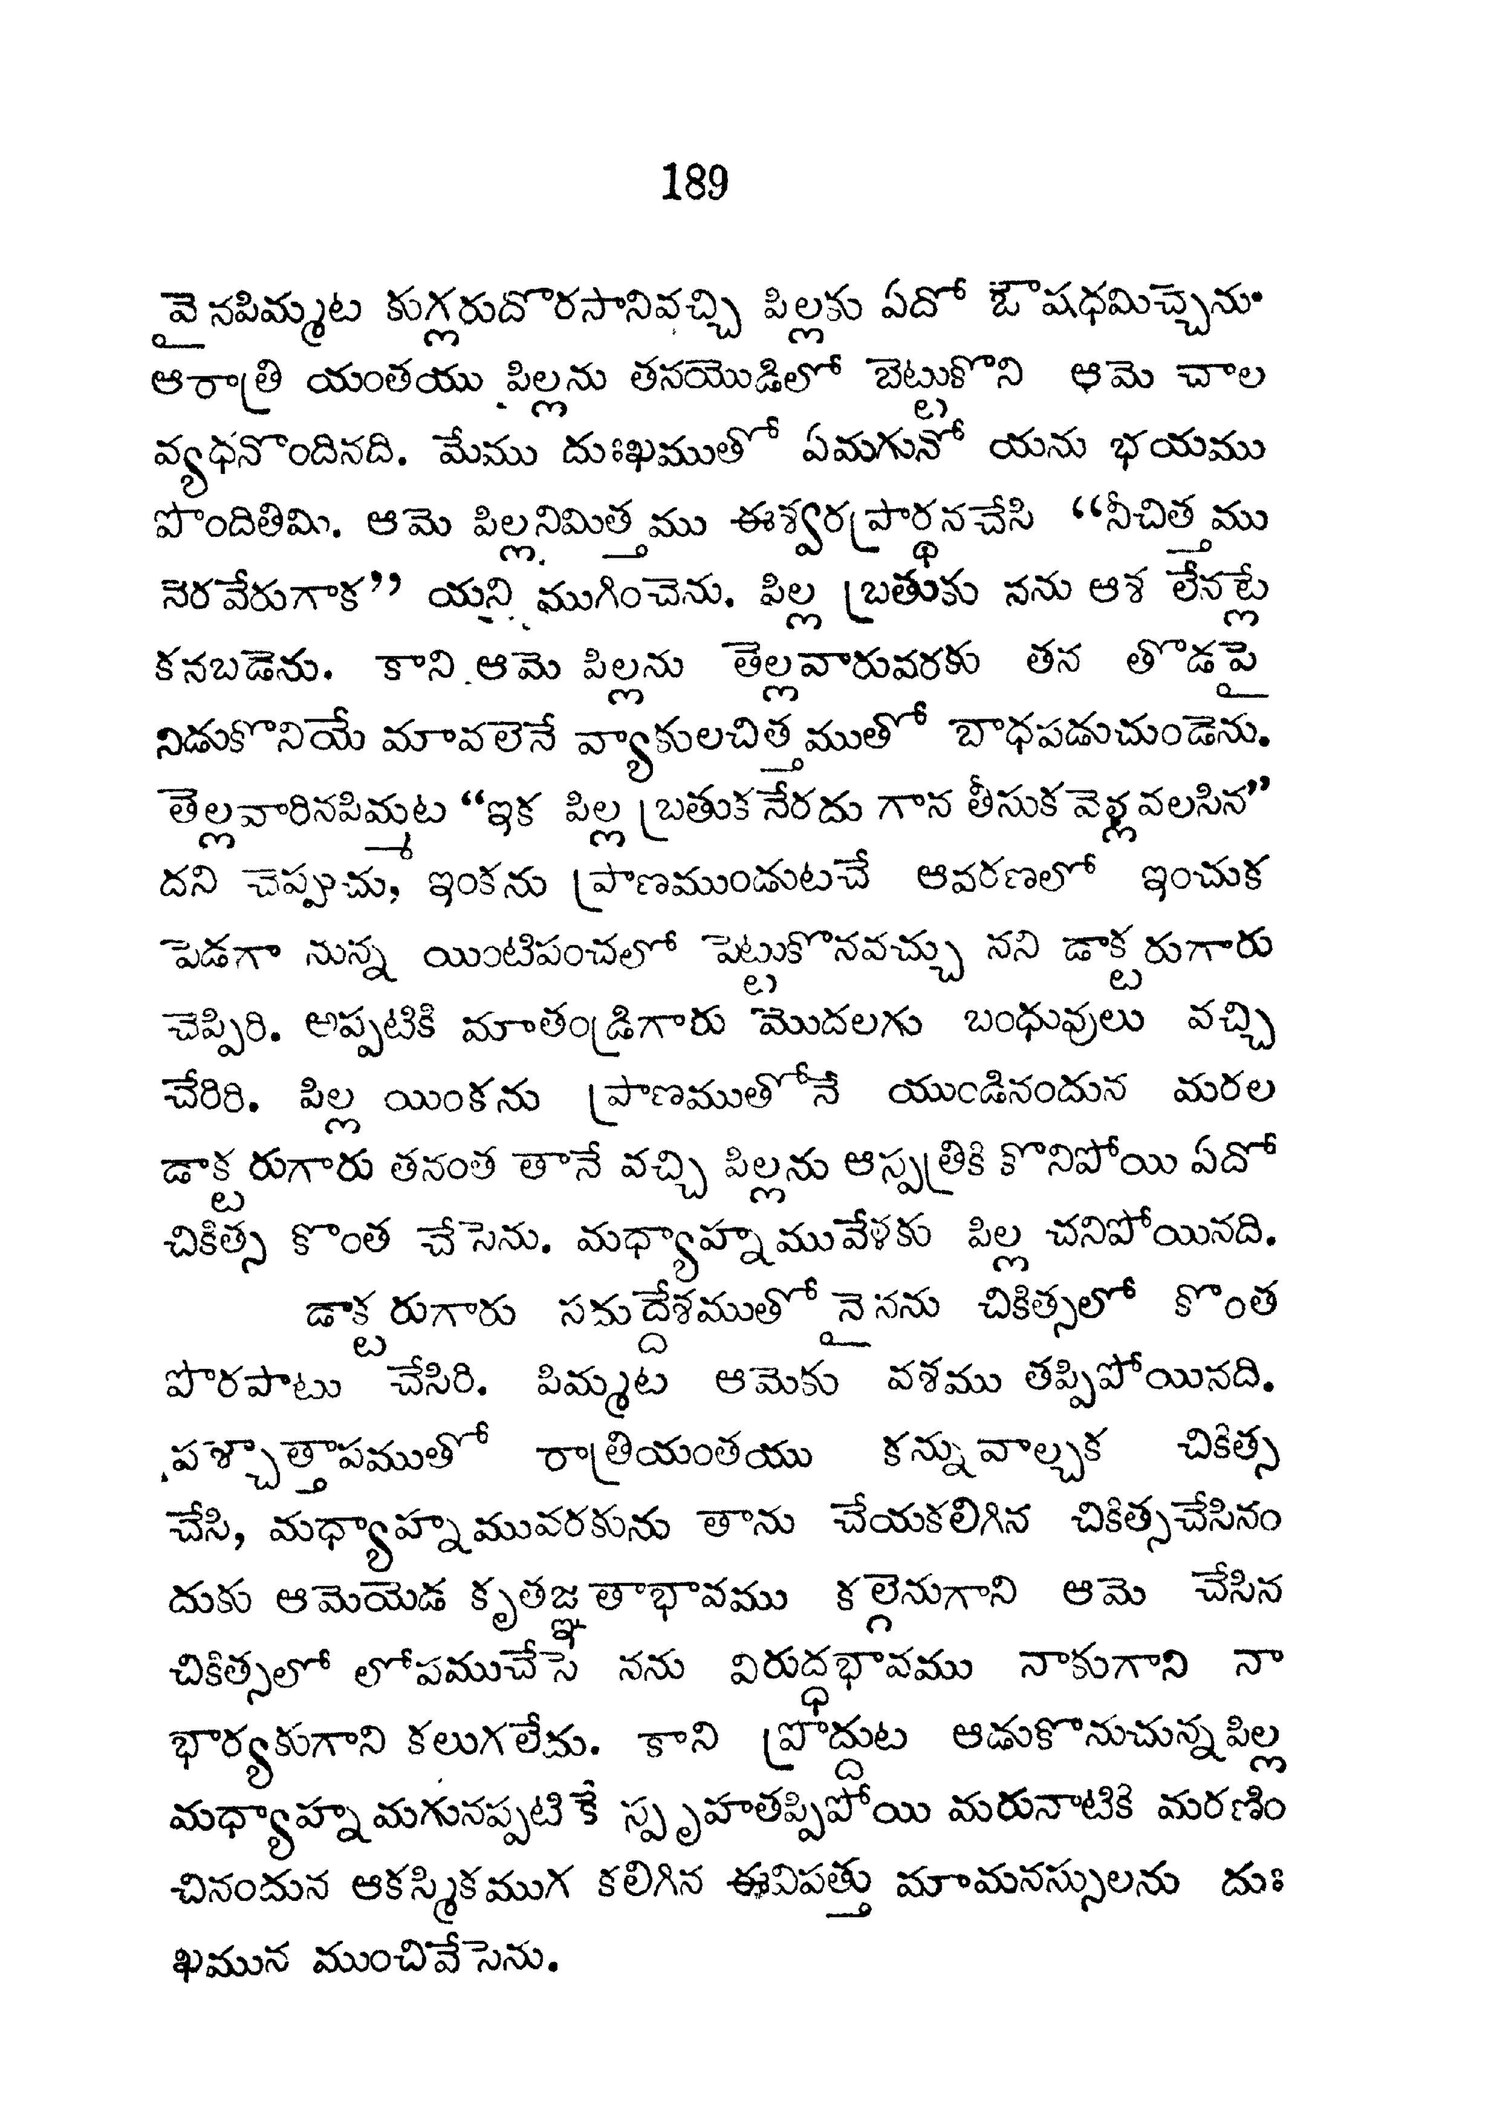వైనపిమ్మట కుగ్లరుదొరసానివచ్చి పిల్లకు ఏదో ఔషధమిచ్చెను. ఆరాత్రి యంతయు పిల్లను తనయొడిలో బెట్టుకొని ఆమె చాల వ్యధనొందినది. మేము దు:ఖముతో ఏమగునో యను భయము పొందితిమి. ఆమె పిల్లనిమిత్తము ఈశ్వరప్రార్థనచేసి "నీచిత్తము నెరవేరుగాక" యని ముగించెను. పిల్ల బ్రతుకు నను ఆశ లేనట్లే కనబడెను. కాని ఆమె పిల్లను తెల్లవారువరకు తన తొడపై నిడుకొనియే మావలెనే వ్యాకులచిత్తముతో బాధపడుచుండెను. తెల్లవారినపిమ్మట "ఇక పిల్ల బ్రతుకనేరదు గాన తీసుకవెళ్లవలసిన"దని చెప్పుచు, ఇంకను ప్రాణముండుటచే ఆవరణలో ఇంచుక పెడగా నున్న యింటిపంచలో పెట్టుకొనవచ్చు నని డాక్టరుగారు చెప్పిరి. అప్పటికి మాతండ్రిగారు మొదలగు బంధువులు వచ్చి చేరిరి. పిల్ల యింకను ప్రాణముతోనే యుండినందున మరల డాక్టరుగారు తనంత తానే వచ్చి పిల్లను ఆస్పత్రికి కొనిపోయి ఏదో చికిత్స కొంత చేసెను. మధ్యాహ్నమువేళకు పిల్ల చనిపోయినది.

డాక్టరుగారు సదుద్దేశముతోనైనను చికిత్సలో కొంత పొరపాటు చేసిరి. పిమ్మట ఆమెకు వశము తప్పిపోయినది. పశ్చాత్తాపముతో రాత్రియంతయు కన్నువాల్చక చికిత్సచేసి, మధ్యాహ్నమువరకును తాను చేయకలిగిన చికిత్సచేసినందుకు ఆమెయెడ కృతజ్ఞతాభావము కల్గెనుగాని ఆమె చేసిన చికిత్సలో లోపముచేసె నను విరుద్ధభావము నాకుగాని నా భార్యకుగాని కలుగలేదు. కాని ప్రొద్దుట ఆడుకొనుచున్నపిల్ల మధ్యాహ్నమగునప్పటికే స్పృహతప్పిపోయి మరునాటికి మరణించినందున ఆకస్మికముగ కలిగిన ఈవిపత్తు మా మనస్సులను దు:ఖమున ముంచివేసెను.